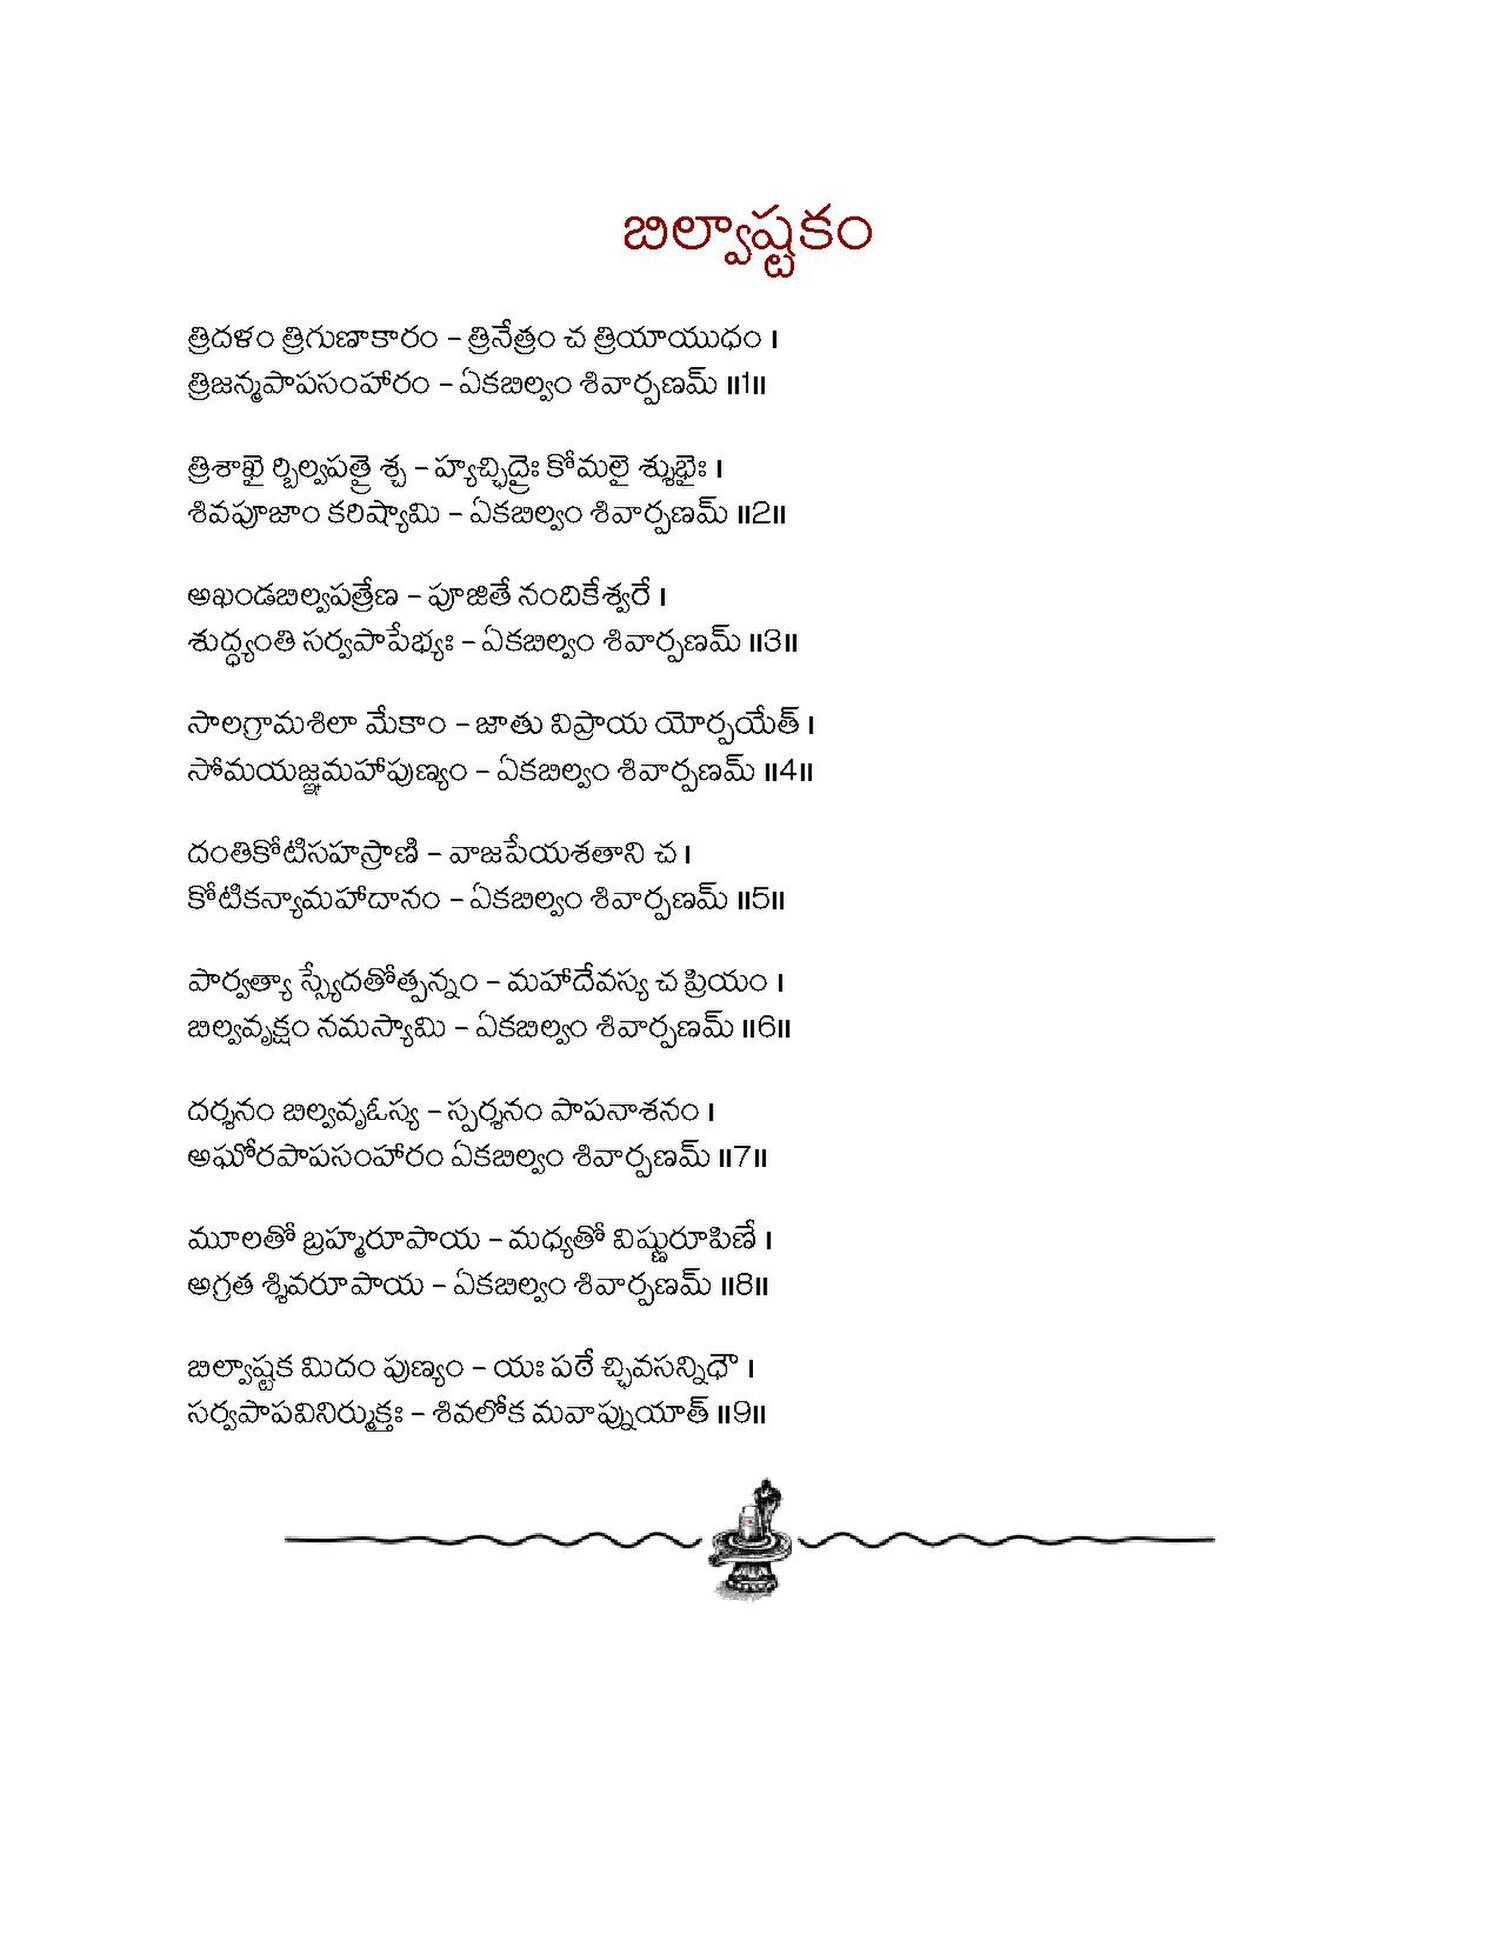బిల్వాష్టకం

త్రిదళం త్రిగుణాకారం - త్రినేత్రం చ త్రియాయుధం |
త్రిజన్మపాపసంహారం - ఏకబిల్వం శివార్పణమ్ ||1||

త్రిశాఖై ర్బిల్వపత్రైశ్చ - హ్యచ్ఛిద్రైః కోమలై శ్శుభైః |
శివపూజాం కరిష్యామి - ఏకబిల్వం శివార్పణమ్ ||2||

అఖండబిల్వపత్రేణ - పూజితే నందికేశ్వరే |
శుద్ధ్యంతి సర్వపాపేభ్యః - ఏకబిల్వం శివార్పణమ్ ||3||

సాలగ్రామశిలా మేకాం - జాతు విప్రాయ యోర్పయేత్ |
సోమయజ్ఞమహాపుణ్యం - ఏకబిల్వం శివార్పణమ్ ||4||

దంతికోటిసహస్రాణి - వాజపేయశతాని చ |
కోటికన్యామహాదానం - ఏకబిల్వం శివార్పణమ్ ||5||

పార్వత్యా స్స్యేదతోత్పన్నం - మహాదేవస్య చ ప్రియం |
బిల్వవృక్షం నమస్యామి - ఏకబిల్వం శివార్పణమ్ || 6 ||

దర్శనం బిల్వవృక్షస్య - స్పర్శనం పాపనాశనం |
అఘోరపాపసంహారం ఏకబిల్వం శివార్పణమ్ || 7 ||

మూలతో బ్రహ్మరూపాయ - మధ్యతో విష్ణురూపిణే |
అగ్రత శ్శివరూపాయ - ఏకబిల్వం శివార్పణమ్ || 8 ||

బిల్వాష్టక మిదం పుణ్యం - యః పఠే చ్ఛివసన్నిధౌ |
సర్వపాపవినిర్ముక్తః - శివలోక మవాప్నుయాత్ ||9||